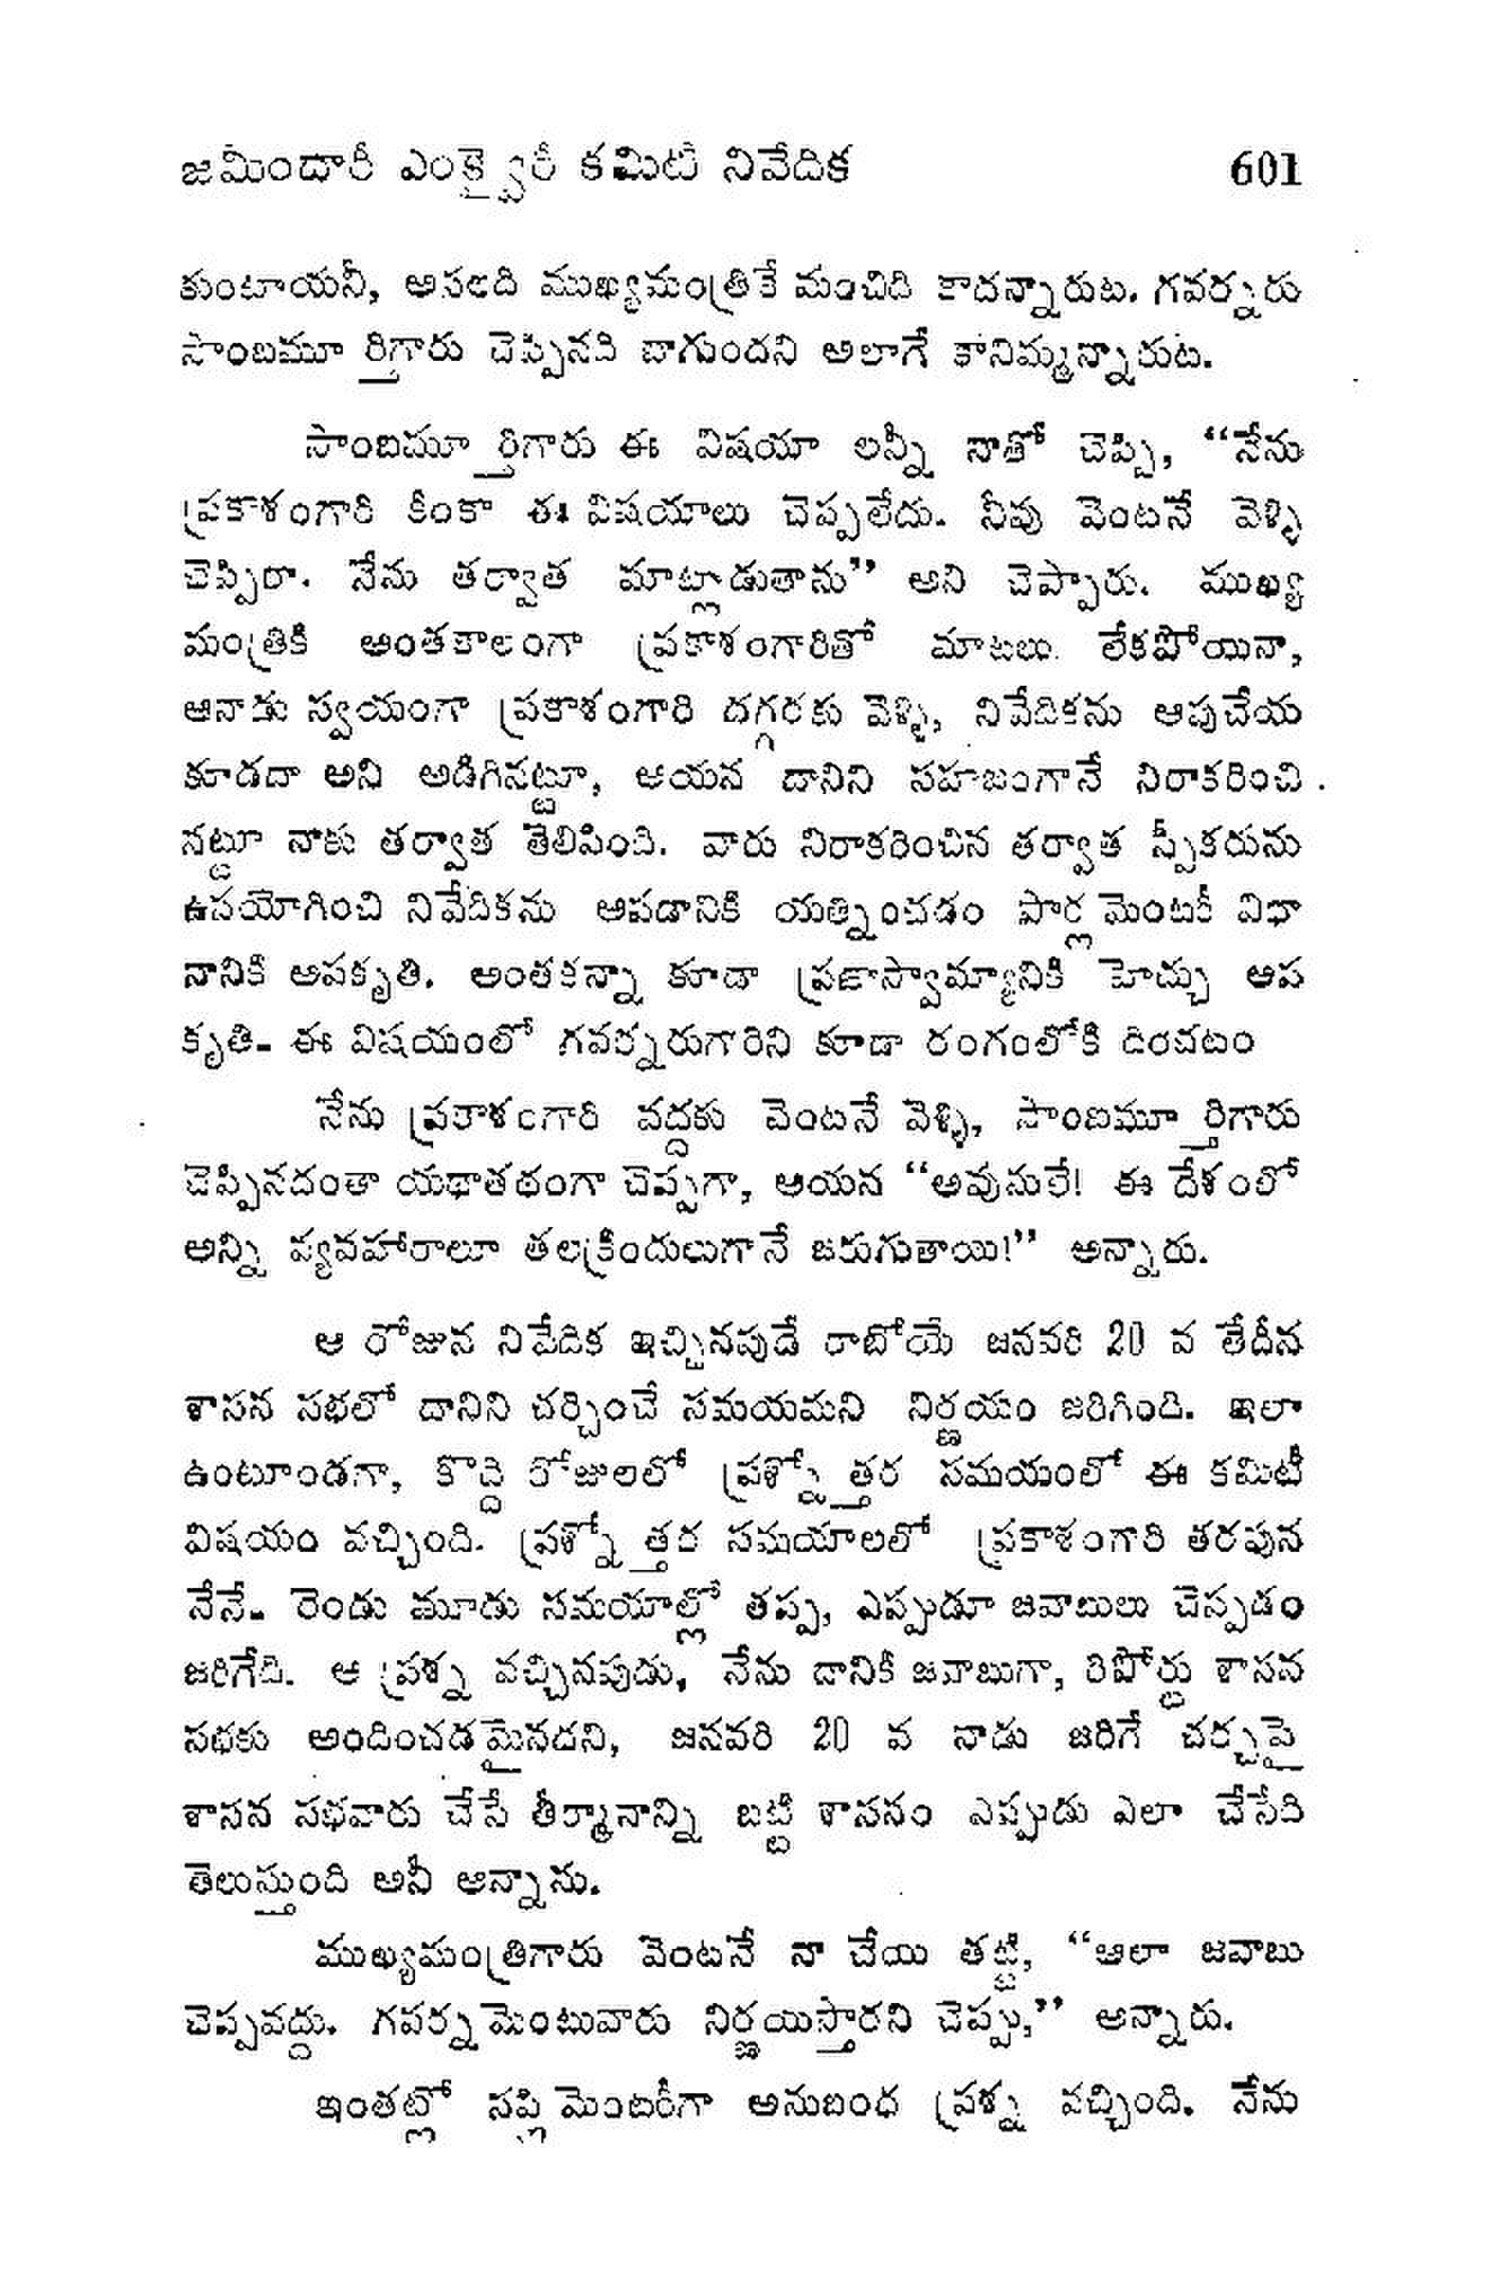కుంటాయనీ, అసలది ముఖ్యమంత్రికే మంచిది కాదన్నారుట. గవర్నరు సాంబమూర్తిగారు చెప్పినది బాగుందని అలాగే కానిమ్మన్నారుట.

సాంబమూర్తి గారు ఈ విషయా లన్నీ నాతో చెప్పి, "నేను ప్రకాశంగారి కింకా ఈ విషయాలు చెప్పలేదు. నీవు వెంటనే వెళ్ళి చెప్పిరా. నేను తర్వాత మాట్లాడుతాను" అని చెప్పారు. ముఖ్యమంత్రికి అంతకాలంగా ప్రకాశంగారితో మాటలు లేకపోయినా, ఆనాడు స్వయంగా ప్రకాశంగారి దగ్గరకు వెళ్ళి, నివేదికను ఆపుచేయ కూడదా అని అడిగినట్టూ, ఆయన దానిని సహజంగానే నిరాకరించినట్టూ నాకు తర్వాత తెలిసింది. వారు నిరాకరించిన తర్వాత స్పీకరును ఉపయోగించి నివేదికను ఆపడానికి యత్నించడం పార్లమెంటరీ విధానానికి అపకృతి. అంతకన్నా కూడా ప్రజాస్వామ్యానికి హెచ్చు అపకృతి - ఈ విషయంలో గవర్నరుగారిని కూడా రంగంలోకి దించటం

నేను ప్రకాశంగారి వద్దకు వెంటనే వెళ్ళి, సాంబమూర్తి గారు చెప్పినదంతా యథాతథంగా చెప్పగా, ఆయన "అవునులే! ఈ దేశంలో అన్ని వ్యవహారాలూ తలక్రిందులుగానే జరుగుతాయి!" అన్నారు.

ఆ రోజున నివేదిక ఇచ్చినపుడే రాబోయె జనవరి 20 వ తేదీన శాసన సభలో దానిని చర్చించే సమయమని నిర్ణయం జరిగింది. ఇలా ఉంటూండగా, కొద్ది రోజులలో ప్రశ్నోత్తర సమయంలో ఈ కమిటీ విషయం వచ్చింది. ప్రశ్నోత్తర సమయాలలో ప్రకాశంగారి తరపున నేనే - రెండు మూడు సమయాల్లో తప్ప, ఎప్పుడూ జవాబులు చెప్పడం జరిగేది. ఆ ప్రశ్న వచ్చినపుడు, నేను దానికి జవాబుగా, రిపోర్టు శాసన సభకు అందించడమైనదని, జనవరి 20 వ నాడు జరిగే చర్చపై శాసన సభవారు చేసే తీర్మానాన్ని బట్టి శాసనం ఎప్పుడు ఎలా చేసేది తెలుస్తుంది అనీ అన్నాను.

ముఖ్యమంత్రిగారు వెంటనే నా చేయి తట్టి, "అలా జవాబు చెప్పవద్దు. గవర్నమెంటు వారు నిర్ణయిస్తారని చెప్పు," అన్నారు.

ఇంతట్లో సప్లిమెంటరీగా అనుబంధ ప్రశ్న వచ్చింది. నేను